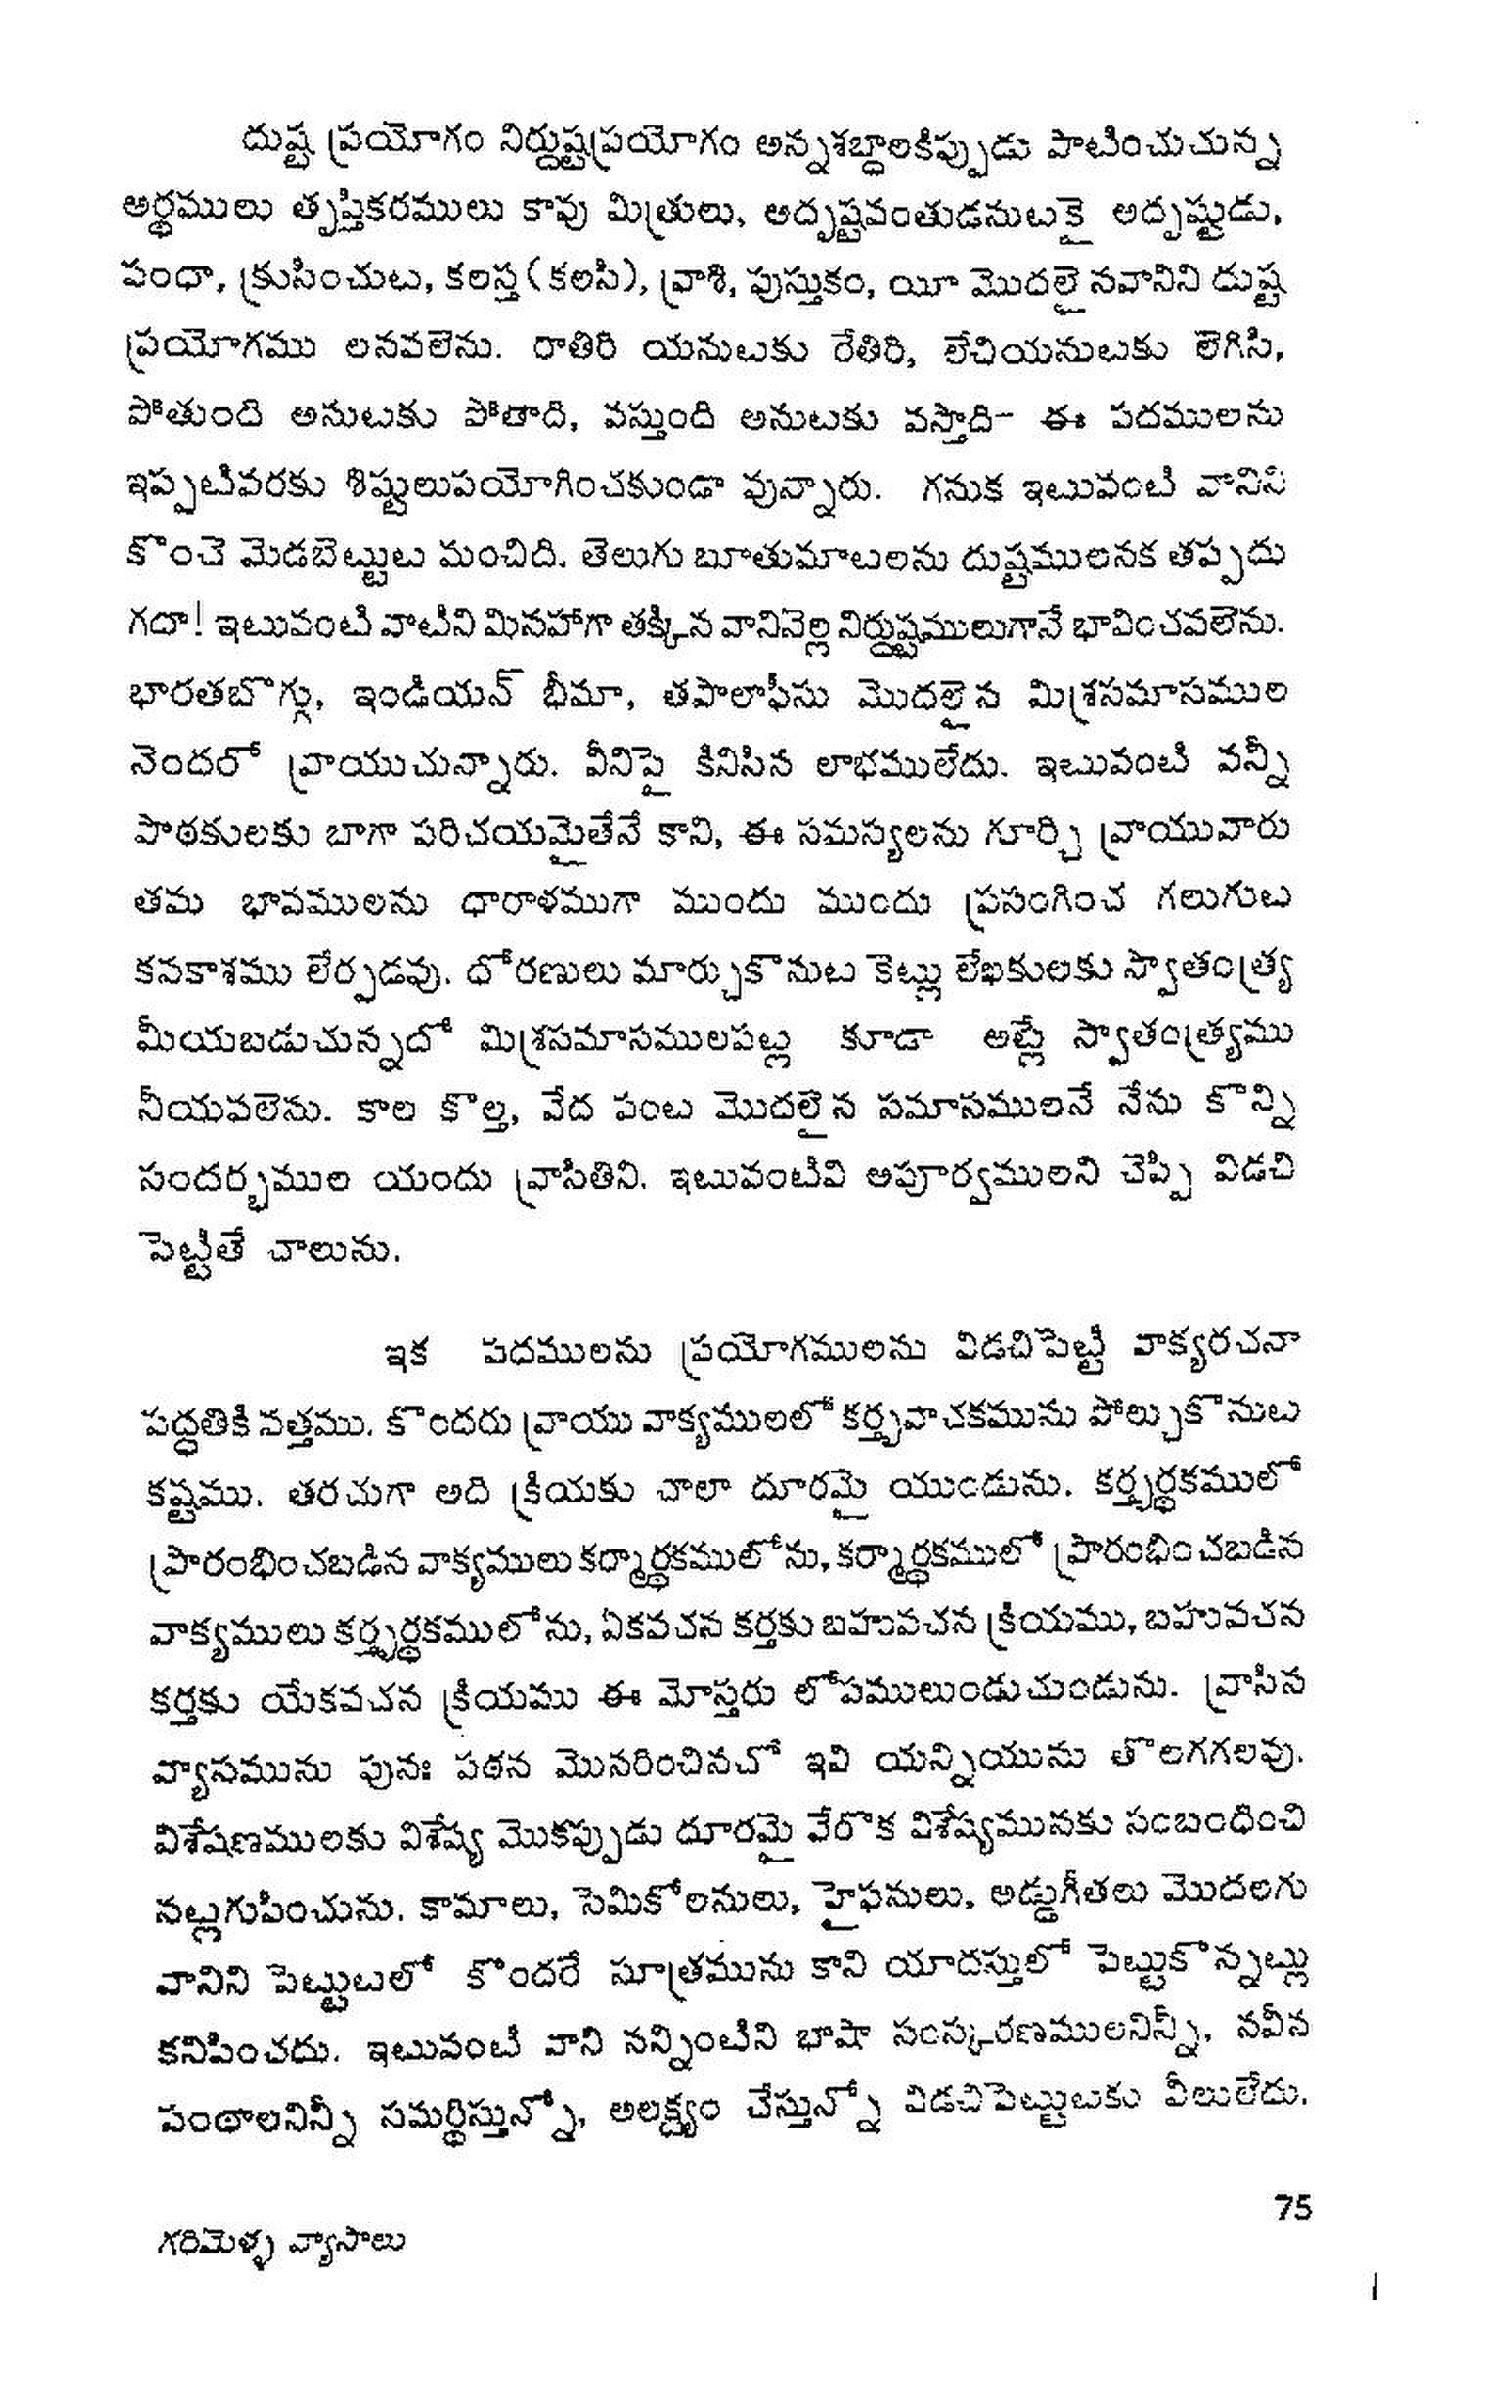దుష్ట ప్రయోగం నిర్దుష్టప్రయోగం అన్నశబ్దాలకిప్పుడు పాటించుచున్న అర్థములు తృప్తికరములు కావు మిత్రులు, అదృష్టవంతుడనుటకై అదృష్టుడు, పంధా, క్రుసించుట, కలస్త (కలసి), వ్రాశి, పుస్తకం, యీ మొదలైనవానిని దుష్ట ప్రయోగము లనవలెను. రాతిరి యనుటకు రేతిరి, లేచియనుటకు లెగిసి, పోతుంది అనుటకు పోతాది, వస్తుంది అనుటకు వస్తాది - ఈ పదములను ఇప్పటివరకు శిష్టులుపయోగించకుండా వున్నారు. గనుక ఇటువంటి వానిని కొంచె మెడబెట్టుట మంచిది. తెలుగు బూతుమాటలను దుష్టములనక తప్పదు గదా! ఇటువంటి వాటిని మినహాగా తక్కిన వానినెల్ల నిర్దుష్టములుగానే భావించవలెను. భారతబొగ్గు, ఇండియన్ భీమా, తపాలాఫీసు మొదలైన మిశ్రసమాసముల నెందరో వ్రాయుచున్నారు. వీనిపై కినిసిన లాభములేదు. ఇటువంటి వన్నీ పాఠకులకు బాగా పరిచయమైతేనే కాని, ఈ సమస్యలను గూర్చి వ్రాయువారు తమ భావములను ధారాళముగా ముందు ముందు ప్రసంగించ గలుగుట కవకాశము లేర్పడవు. ధోరణులు మార్చుకొనుట కెట్లు లేఖకులకు స్వాతంత్ర్య మీయబడుచున్నదో మిశ్రసమాసములపట్ల కూడా అట్లే స్వాతంత్ర్యము నీయవలెను. కాల కొల్త, వేద పంట మొదలైన సమాసములనే నేను కొన్ని సందర్భముల యందు వ్రాసితిని. ఇటివంటివి అపూర్వములని చెప్పి విడచి పెట్టితే చాలును.

ఇక పదములను ప్రయోగములను ఇడచిపెట్టి వాక్యరచనా పద్దతికి వత్తము. కొందరు వ్రాయు వాక్యములలో కర్తృవాచకమును పోల్చుకొనుట కష్టము. తరచుగా అది క్రియకు చాలా దూరమై యుండును. కర్తృర్థకములో ప్రారంభించబడిన వాక్యములు కర్మార్థకములలోను, కర్మార్థకములో ప్రారంభించబడిన వాక్యములు కర్తృర్థకములోను, ఏకవచన కర్తకు బహువచన క్రియము, బహువచన కర్తకు యేకవచన క్రియము ఈ మోస్తరు లోపములుండు చుండును. వ్రాసిన వ్యాసమును పునః పఠన మొనరించినచో ఇవి యన్నియును తొలగగలవు. విశేషణములకు విశేష్య మొకప్పుడు దూరమై వేరొక విశేష్యమునకు సంబంధించి నట్లగుపించును. కామాలు, సెమికోలనులు, హైఫనులు, అడ్డుగీతలు మొదలగు వానిని పెట్టుటలో కొందరే సూత్రమును కాని యాదస్తులో పెట్టుకొన్నట్లు కనిపించదు. ఇటువంటి వాని నన్నింటిని భాషా సంస్కరణములనిన్నీ, నవీన పంథాలనిన్నీ సమర్థిస్తున్నో అలక్ష్యం చేస్తున్నో విడచిపెట్టుటకు వీలులేదు.